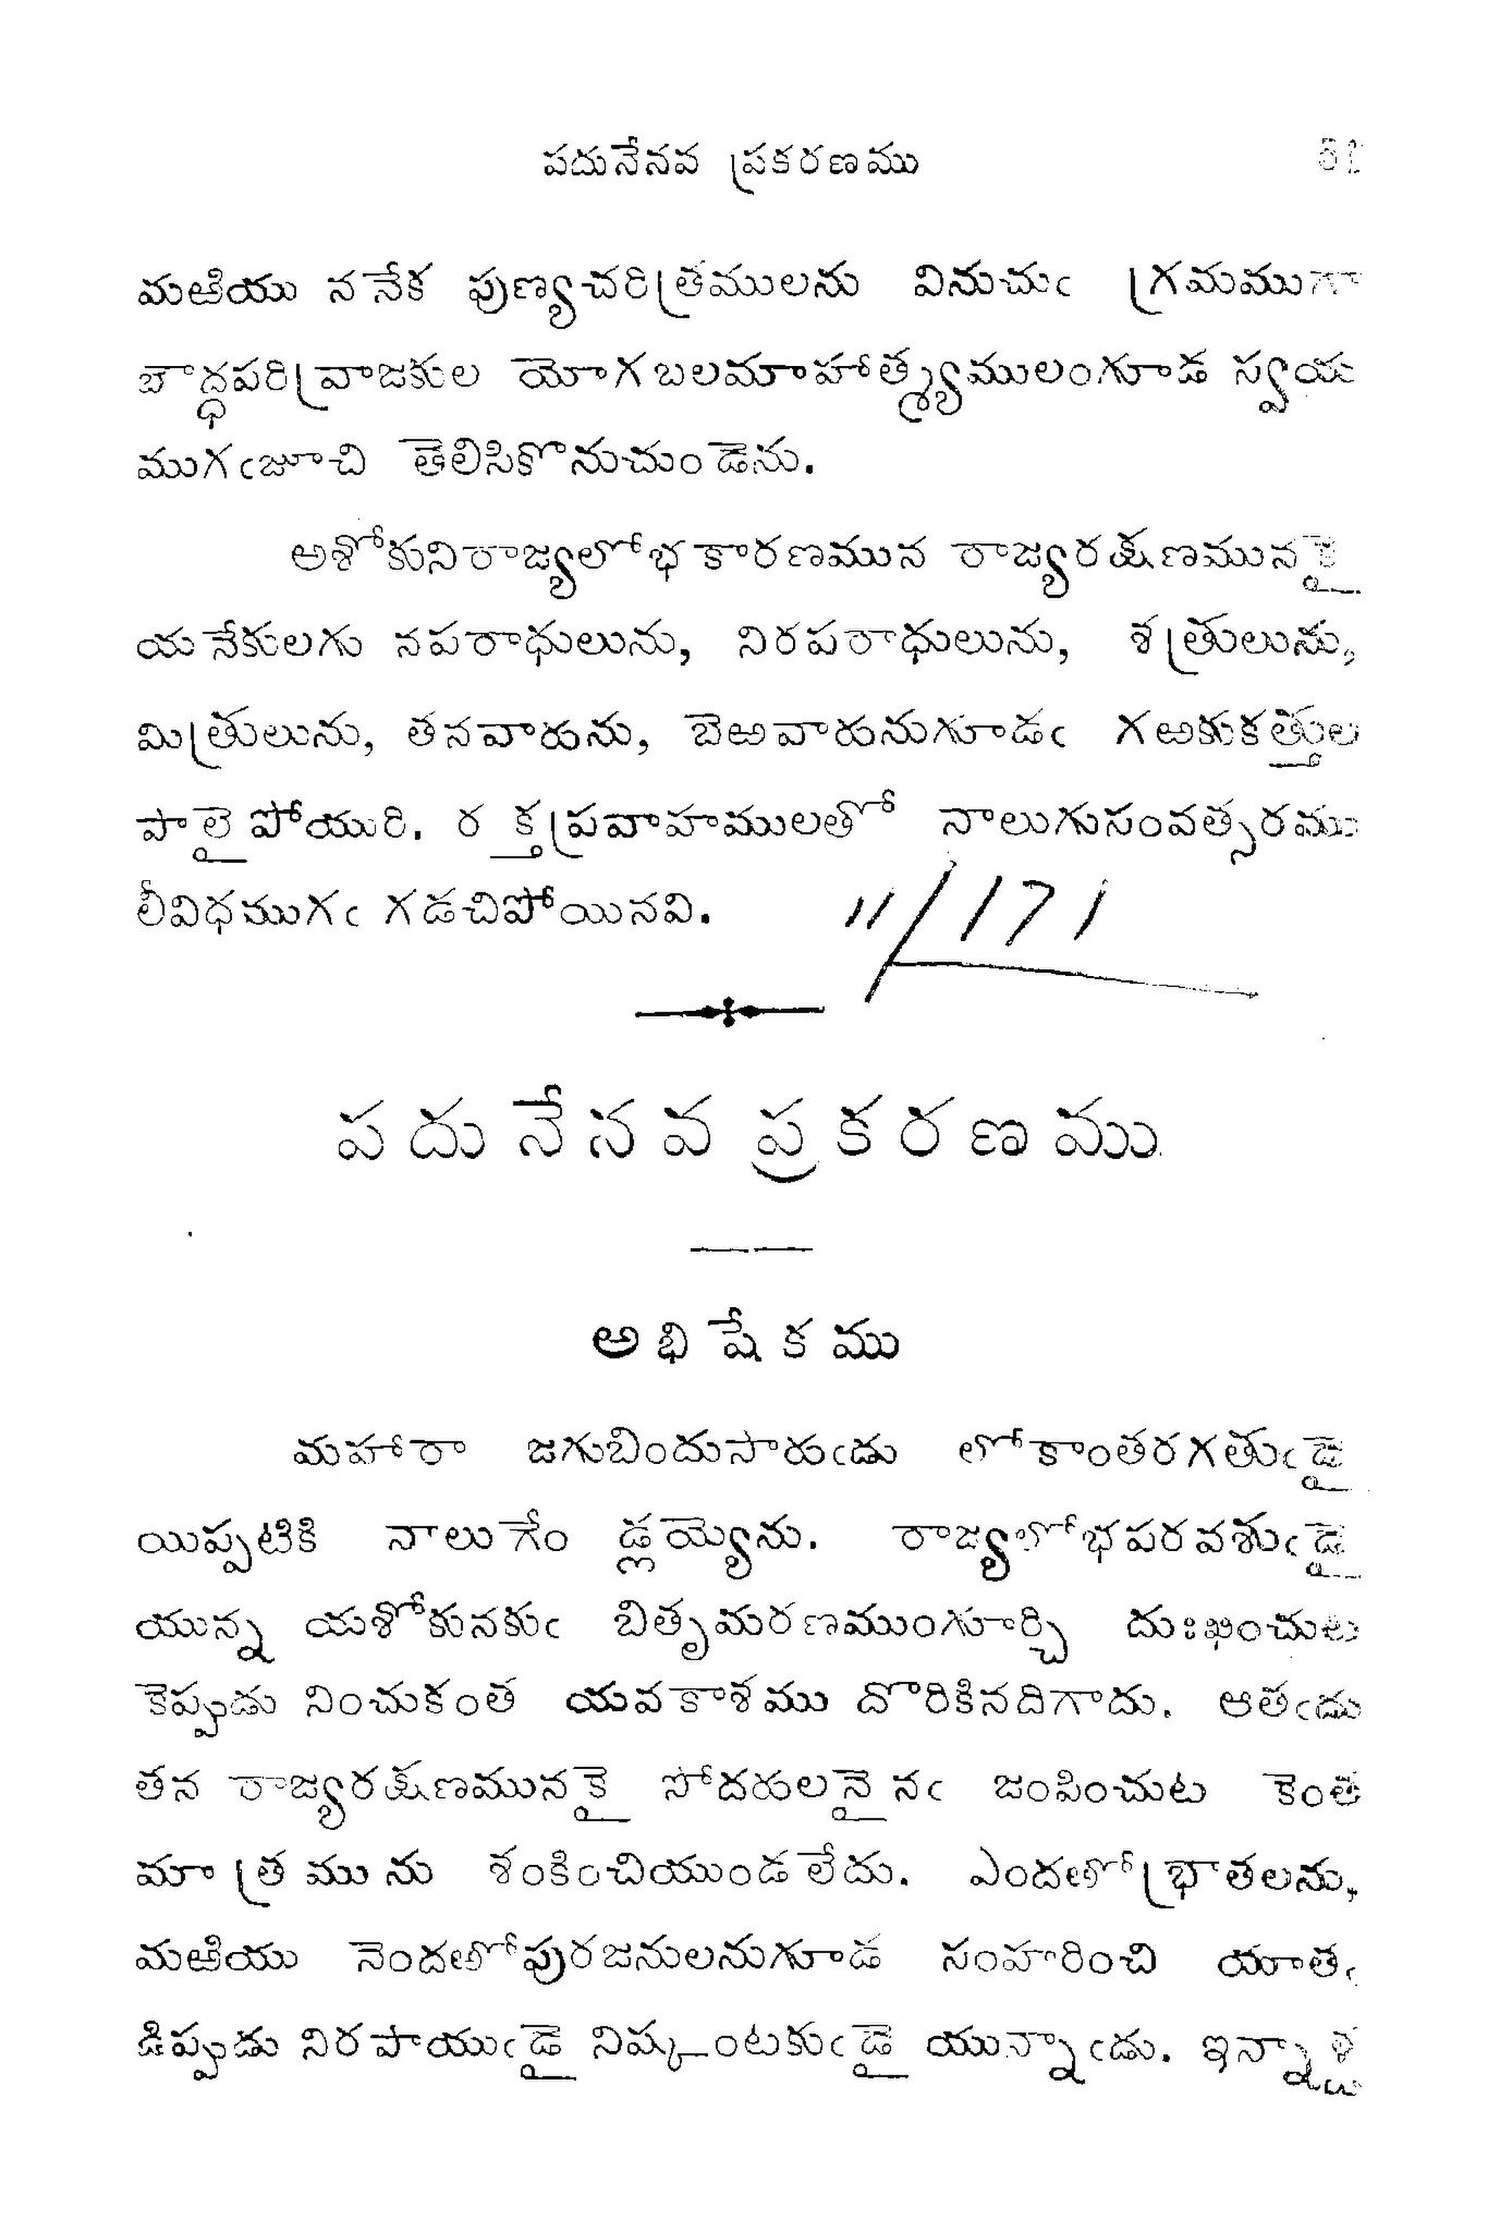మఱియు ననేక పుణ్య చరిత్రములను వినుచుఁ గ్రమముగా బౌద్ధపరివ్రాజకుల యోగ బలమాహాత్మ హాత్మ్యములంగూడ స్వయముగఁజూచి తెలిసికొనుచుండెను.

అశోకుని రాజ్యలోభకారణమున రాజ్యరక్షణమున కై యనేకులగు నపరాధులును, నిరపరాధులును, శత్రులును, మిత్రులును, తనవారును, బెజువారునుగూడఁ గఱకు కత్తులు
పాలై పోయురి. ర క్తప్రవాహములతో నాలుగుసంవత్సరము లీవిధముగఁ గడచిపోయినవి.

పదునేనవ ప్రకరణము

మహారా జగుబిందుసారుఁడు లోకాంతరగతుఁడై యిప్పటికి నాలు గేం డ్లయ్యెను. రాజ్యలోభపరవశుఁ డై యున్న యశోకునకుఁ బితృమరణముంగూర్చి దుఃఖించుట కెప్పుడు నించుకంత యవకాశము దొరికినదిగాదు. ఆతఁడు తన రాజ్యరక్షణమున కై సోదరులనైనఁ జంపించుట కెంత మాత్రము ను శంకించియుండ లేదు. ఎందఱో భ్రాతలను, మఱియు నెందఱో పురజనులనుగూడ సంహరించి యాతడిప్పుడు నిరపాయుఁడై నిష్కంటకుఁ డై యున్నాఁడు. ఇన్నాళ్ళ